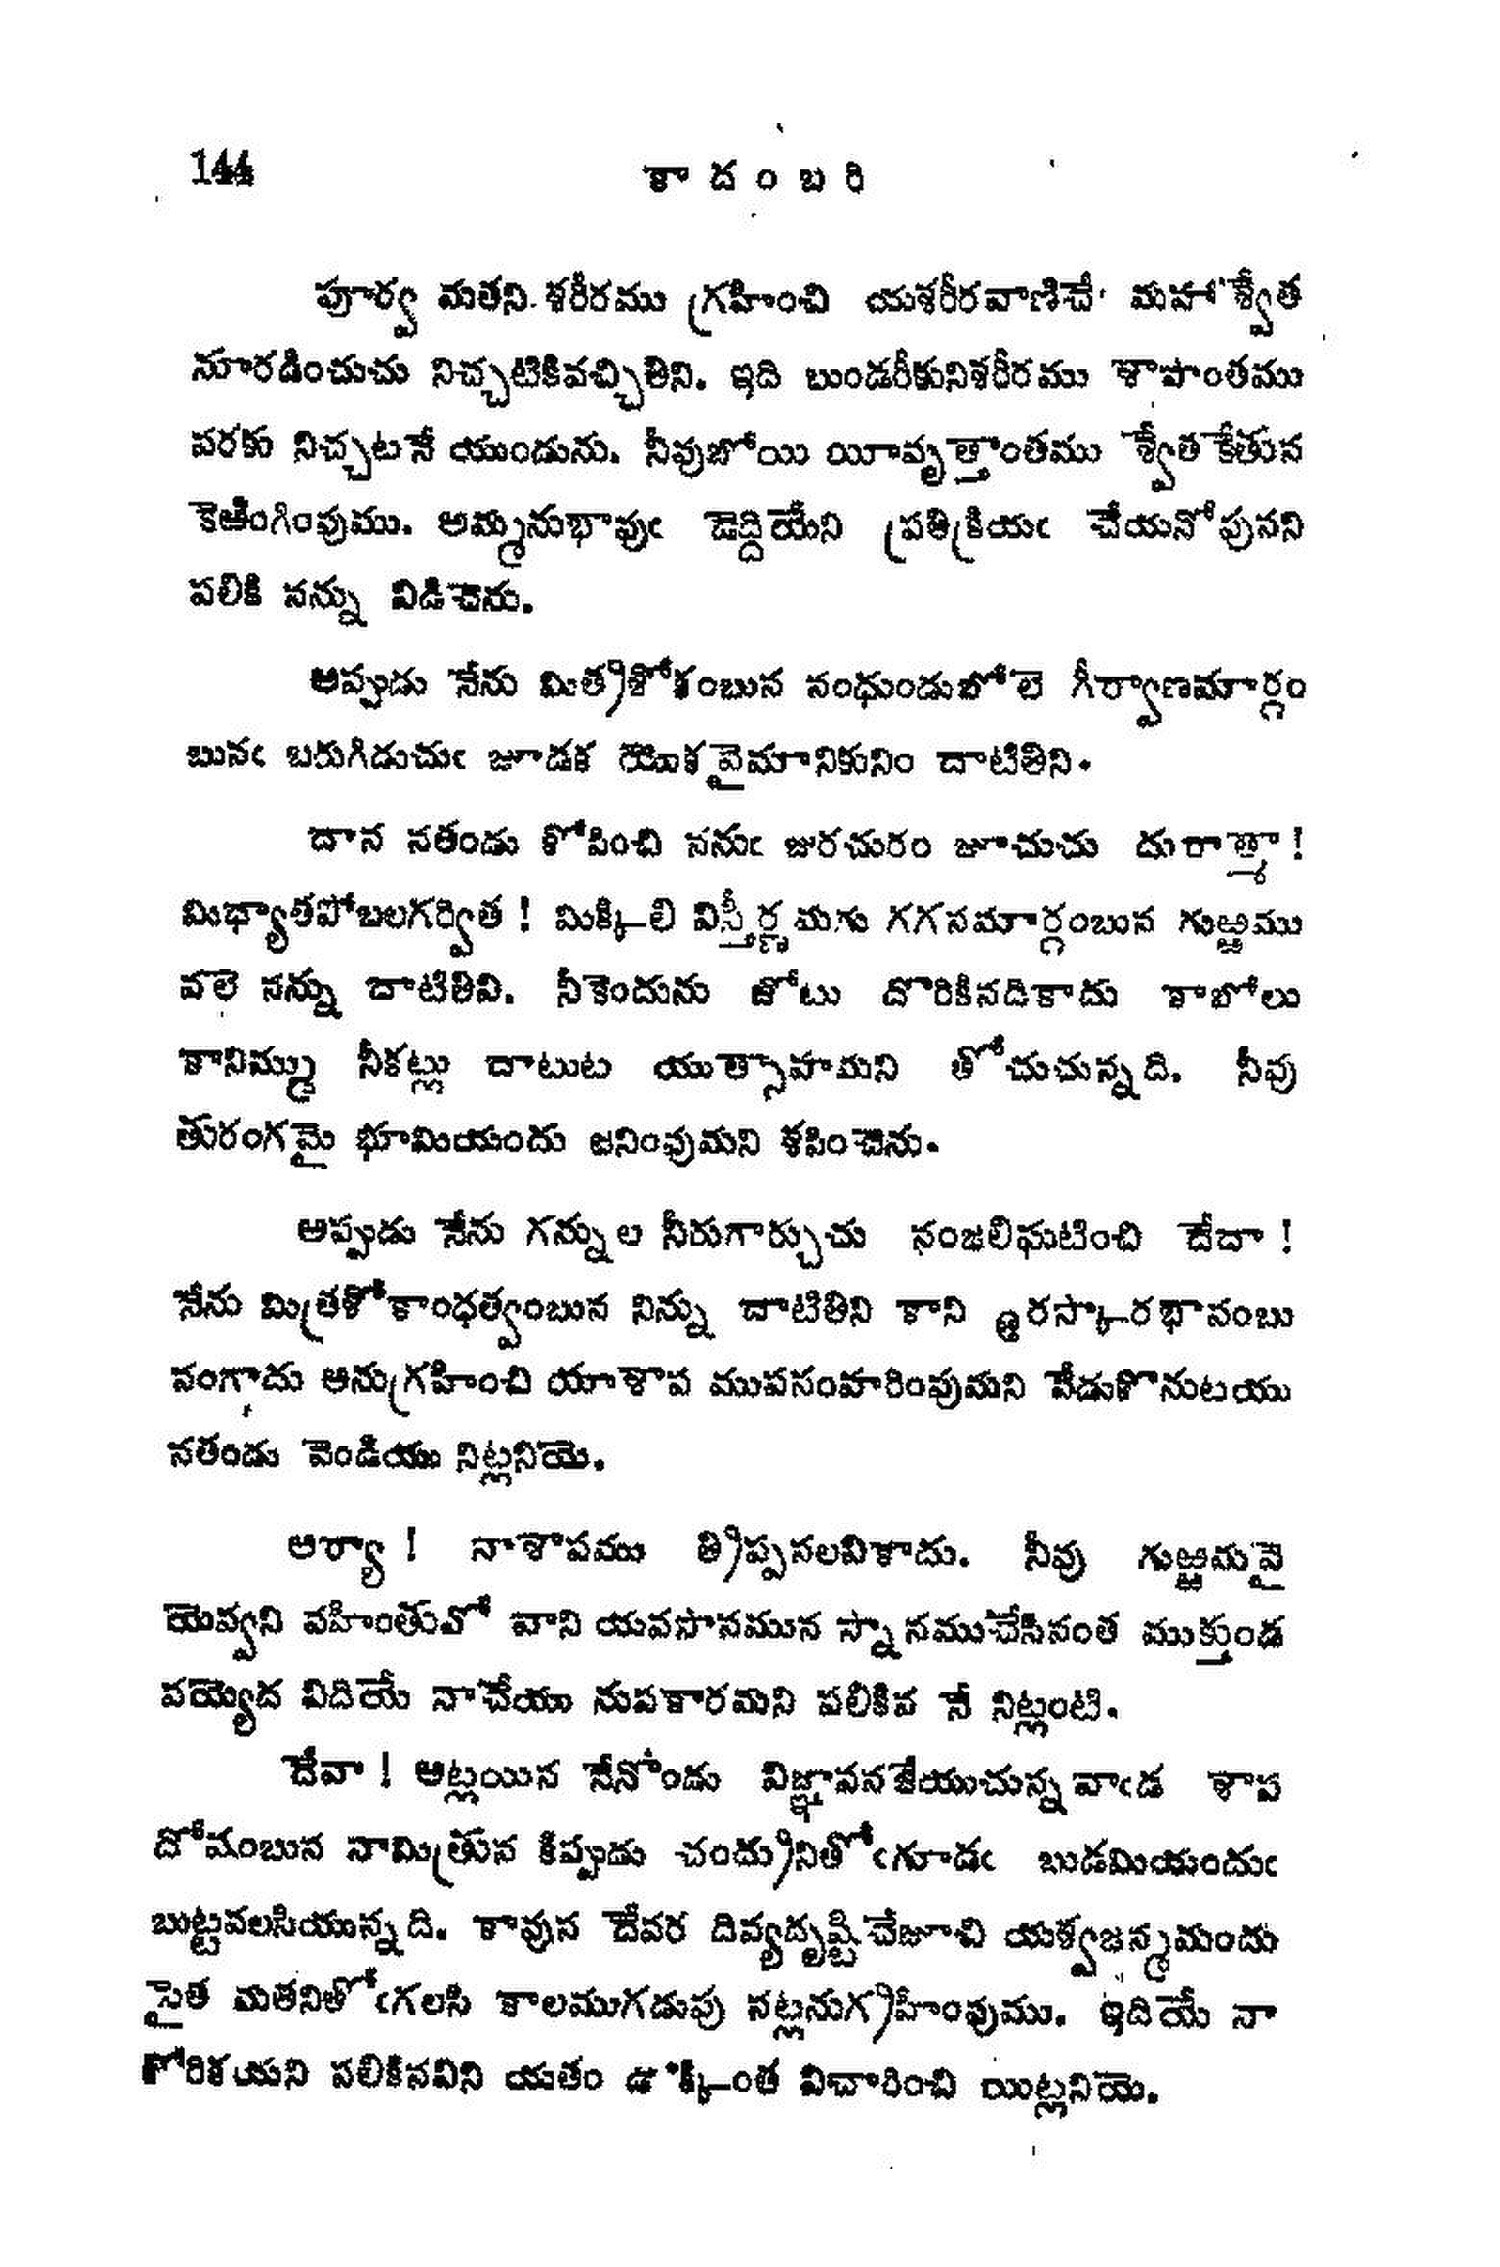పూర్వ మతని శరీరము గ్రహించి యశరీరవాణిచే మహాశ్వేత నూరడించుచు నిచ్చటికివచ్చితిని. ఇది బుండరీకునిశరీరము శాపాంతము వరకు నిచ్చటనే యుండును. నీవుబోయి యీవృత్తాంతము శ్వేతకేతున కెఱింగింపుము. అమ్మనుభావుఁ డెద్దియేని ప్రతిక్రియఁ చేయనోపునని పలికి నన్ను విడిచెను.

అప్పుడు నేను మిత్రశోకంబున నంధుండుబోలె గీర్వాణమార్గంబునఁ బరుగిడుచుఁ జూడక యొకవైమానికునిం దాటితిని.

దాన నతండు కోపించి ననుఁ జురచురం జూచుచు దురాత్మా! మిధ్యాతపోబలగర్విత! మిక్కిలి విస్తీర్ణమగు గగనమార్గంబున గుఱ్ఱము వలె నన్ను దాటితివి. నీకెందును జోటు దొరికినదికాదు కాబోలు కానిమ్ము నీకట్లు దాటుట యుత్సాహమని తోచుచున్నది. నీవు తురంగమై భూమియందు జనింపుమని శపించెను.

అప్పుడు నేను గన్నుల నీరుగార్చుచు నంజలిఘటించి దేవా! నేను మిత్రశోకాంధత్వంబున నిన్ను దాటితిని కాని తిరస్కారభావంబునంగాదు అనుగ్రహించి యాశాప ముపసంహరింపుమని వేడుకొనుటయు నతండు వెండియు నిట్లనియె.

ఆర్యా! నాశాపము త్రిప్పనలవికాదు. నీవు గుఱ్ఱమవై యెవ్వని వహింతువో వాని యవసానమున స్నానముచేసినంత ముక్తుండవయ్యెద నిదియే నాచేయు నుపకారమని పలికిన నే నిట్లంటి.

దేవా! అట్లయిన నేనొండు విజ్ఞాపనజేయుచున్నవాఁడ శాపదోషంబున నామిత్రున కిప్పుడు చంద్రునితోఁగూడఁ బుడమియందుఁ బుట్టవలసియున్నది. కావున దేవర దివ్యదృష్టిచేజూచి యశ్వజన్మమందు సైత మతనితోఁగలసి కాలముగడుపు నట్లనుగ్రహింపుము. ఇదియే నా కోరికయని పలికినవిని యతం డొక్కింత విచారించి యిట్లనియె.